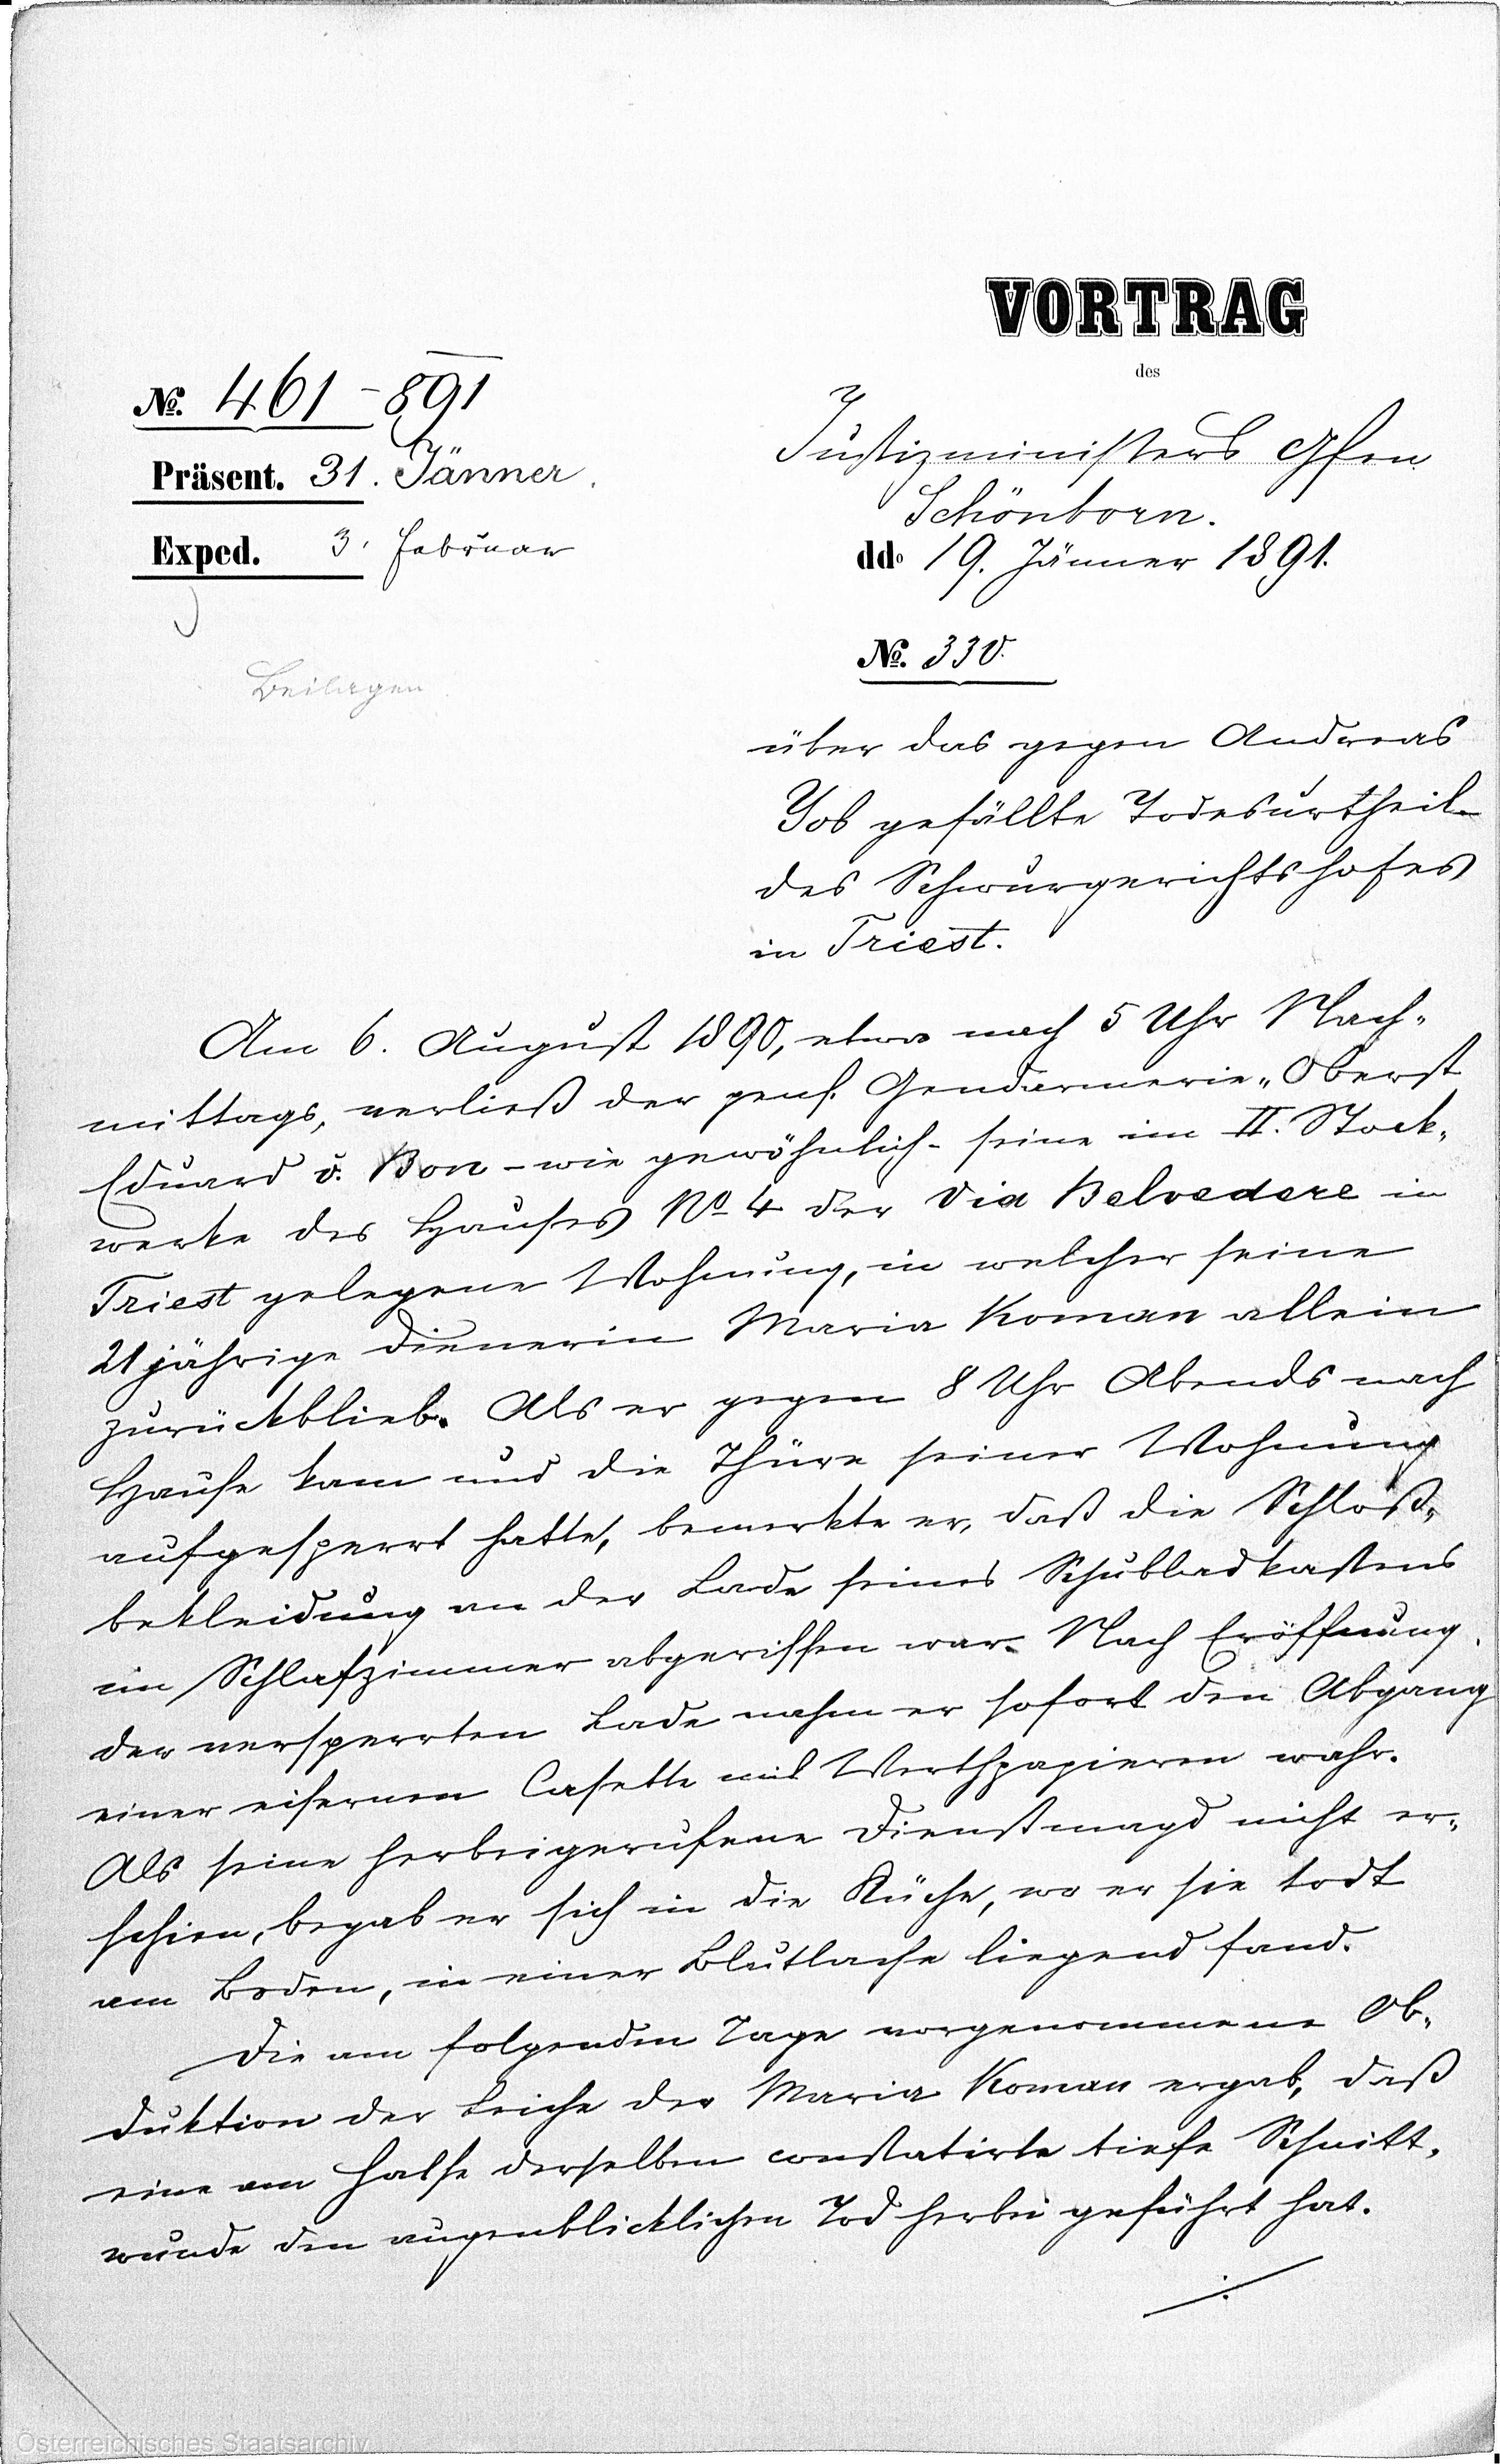No. 461 – 1891
Präsent. 31. Jänner
Expedit 3. Februar
Beilagen
VORTRAG
des
Justizministers Gfen
Schönborn
Ddo 19 Jänner 1891
No 330
Über das gegen Andreas
Job gefällte Todesurtheil
des Schwurgerichtshofes
in Triest.
Am 6. August 1890, etwa nach 5 Uhr Nach¬
mittags, verließ der pens. Gendarmerie-Oberst
Eduard v. Bon – wie gewöhnlich – seine im II. Stock¬
werke des Hauses No. 4 der Via Belvedere in
Triest gelegenen Wohnung, in welcher seine
21jährige Dienerin Maria Koman allein
zurückblieb. Als er gegen 8 Uhr Abends nach
Hause kam und die Thüre seiner Wohnung
aufgesperrt hatte, bemerkte er, daß die Schloß¬
bekleidung an der Lade seines Schubladkastens
im Schlafzimmer abgerissen war. Nach Eröffnung
der versperrten Lade nahm er sofort den Abgang
einer eisernen Casette mit Werthpapieren wahr.
Also seine herbeigerufene Dienstmagd nicht er¬
schien, begab er sich in die Küche, wo er sie todt
am Boden, in einer Blutlache liegend fand.
Die am folgenden Tage vorgenommene Ob¬
duktion der Leiche des Maria Koman ergab, daß
eine am Halse derselben constatirte tiefe Schnitt¬
wunde den augenblicklichen Tod herbei geführt hat.